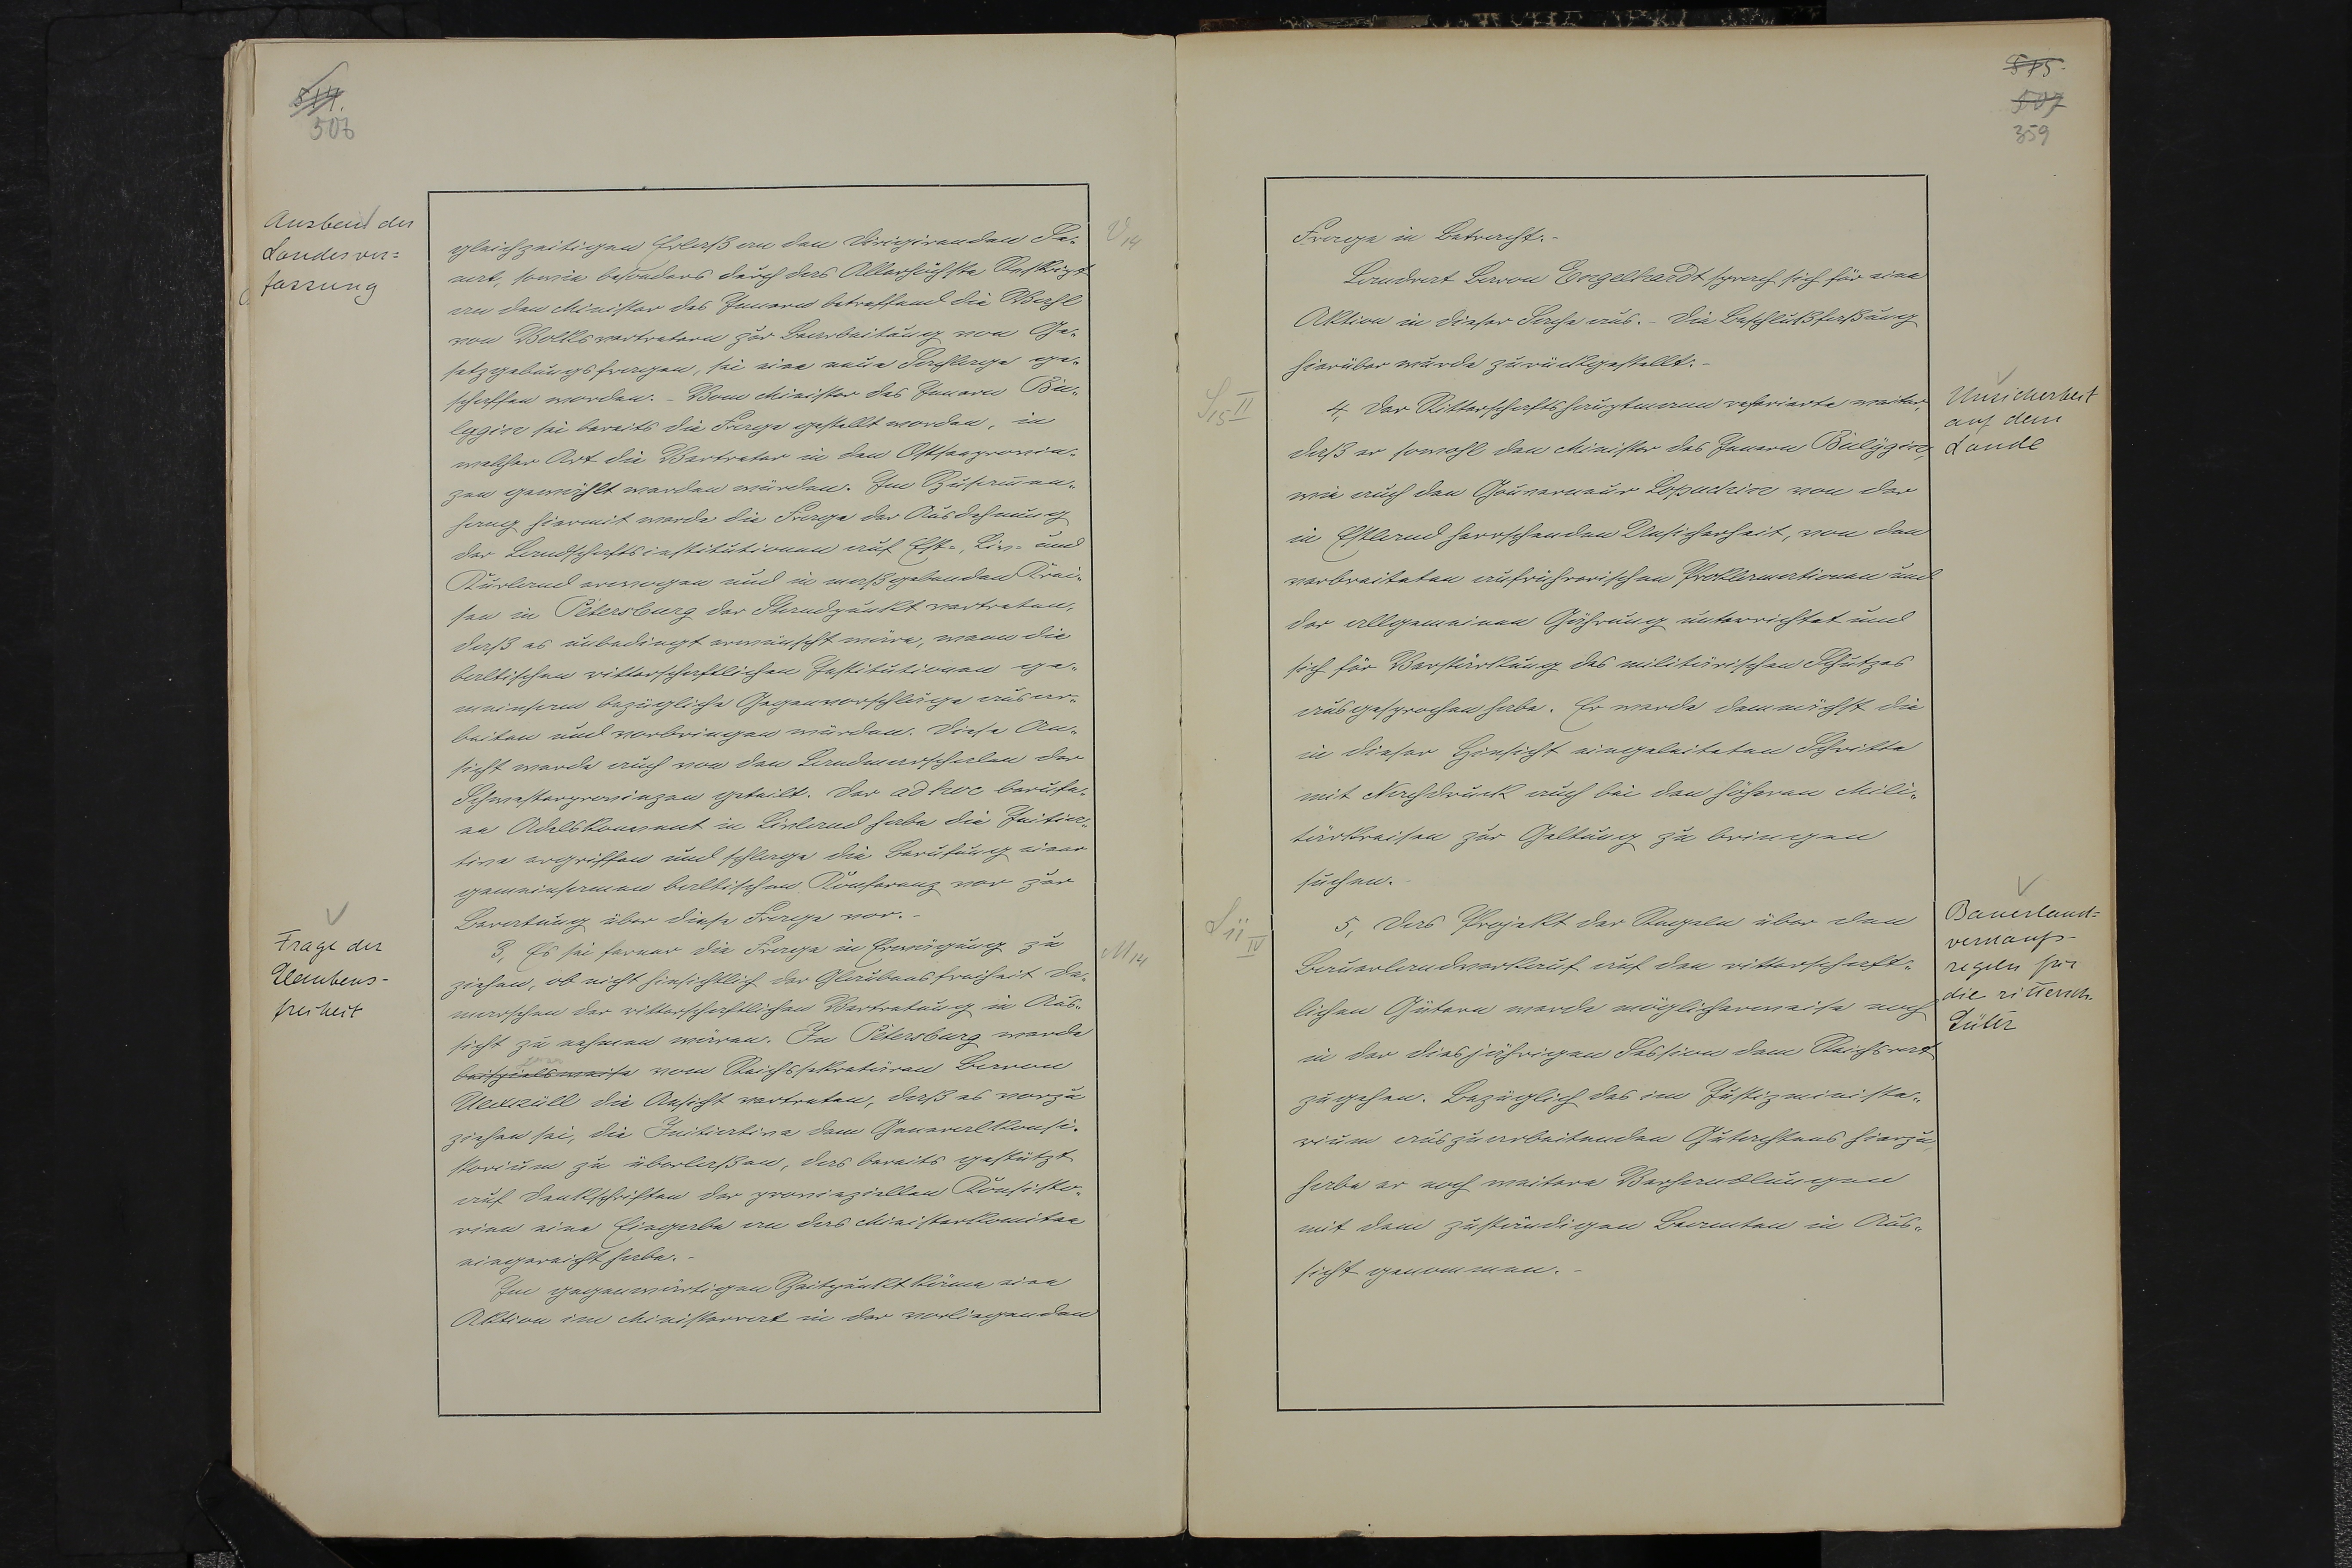Ausbau der
Landesver-
fassung
Frage der
Glaubens-
freiheit
gleichzeitigen Erlaß an den Dirigirenden Se-
nat, sowie besonders durch das Allerhöchste Reskript
an den Minister des Innern betreffend die Wahl
von Volksvertretern zur Bearbeitung von Ge-
setzgebungsfragen, sei eine neue Sachlage ge-
schaffen worden. - Vom Minister des Innern Bu-
lygin sei bereits die Frage gestellt worden, in
welcher Art die Vertreter in den Ostseeprovin-
zen gewählt werden würden. Im Zusammen-
hang hiermit werde die Frage der Ausdehnung
der Landschaftsinstitutionen auf Est-, Liv- und
Kurland erwogen und in maßgebenden Krei-
sen in Petersburg der Standpunkt vertreten,
daß es unbedingt erwünscht wäre, wenn die
baltischen ritterschaftlichen Institutionen ge-
meinsam bezügliche Gegenvorschläge ausar-
beiten und vorbringen würden. Diese An-
sicht werde auch von den Landmarschällen der
Schwesterprovinzen geteilt. Der ad hoc berufe-
ne Adelskonvent in Livland habe die Initia-
tive ergriffen und schlage die Berufung einer
gemeinsamen baltischen Konferenz vor zur
Beratung über diese Frage vor.
3. Es sei ferner die Frage in Erwägung zu
ziehen, ob nicht hinsichtlich der Glaubensfreiheit De-
marschen der ritterschaftlichen Vertretung in Aus-
sicht zu nehmen wären. In Petersburg werde
beispielsweise vom Reichssekretären Baron
Uexküll die Ansicht vertreten, daß es vorzu
ziehen sei, die Initiative dem Generalkonsi-
storium zu überlaßen, das bereits gestützt
auf Denkschriften der provinziellen Konsisto-
rien, eine Eingabe an das Ministerkomitee
eingereicht habe.
Im gegenwärtigen Zeitpunkt käme eine
Aktion im Ministerrat in der vorliegenden
Frage in Betracht.
Landrat Baron Engelhardt sprach sich für eine
Aktion in dieser Sache aus. - Die Beschlußfaßung
hierüber wurde zurückgestellt.
4. Der Ritterschaftshauptmann referierte weiter,
daß er sowohl den Minister des Innern Bulygin,
wie auch den Gouverneur Lopuchin von der
in Estland herrschenden Unsicherheit, von den
verbreiteten aufrührerischen Proklamationen und
der allgemeinen Gährung unterrichtet und
sich für Verstärkung des militärischen Schutzes
ausgesprochen habe. Er werde demnächst die
in dieser Hinsicht eingeleiteten Schritte
mit Nachdruck auch bei den höheren Mili-
tärkreisen zur Geltung zu bringen
suchen.
5. Das Projekt der Regeln über den
Bauerlandverkauf auf den ritterschaft-
lichen Gütern werde möglicherweise noch
in der diesjährigen Session dem Reichsrat
zugehen. Bezüglich des im Justizministe-
rium auszuarbeitenden Gutachtens hierzu,
habe er noch weitere Verhandlungen
mit dem zuständigen Beamten in Aus-
sicht genommen.
Unsicherheit
auf dem
lande
Bauerland-
verkaufs-
regeln für
die rittersch.
Güter